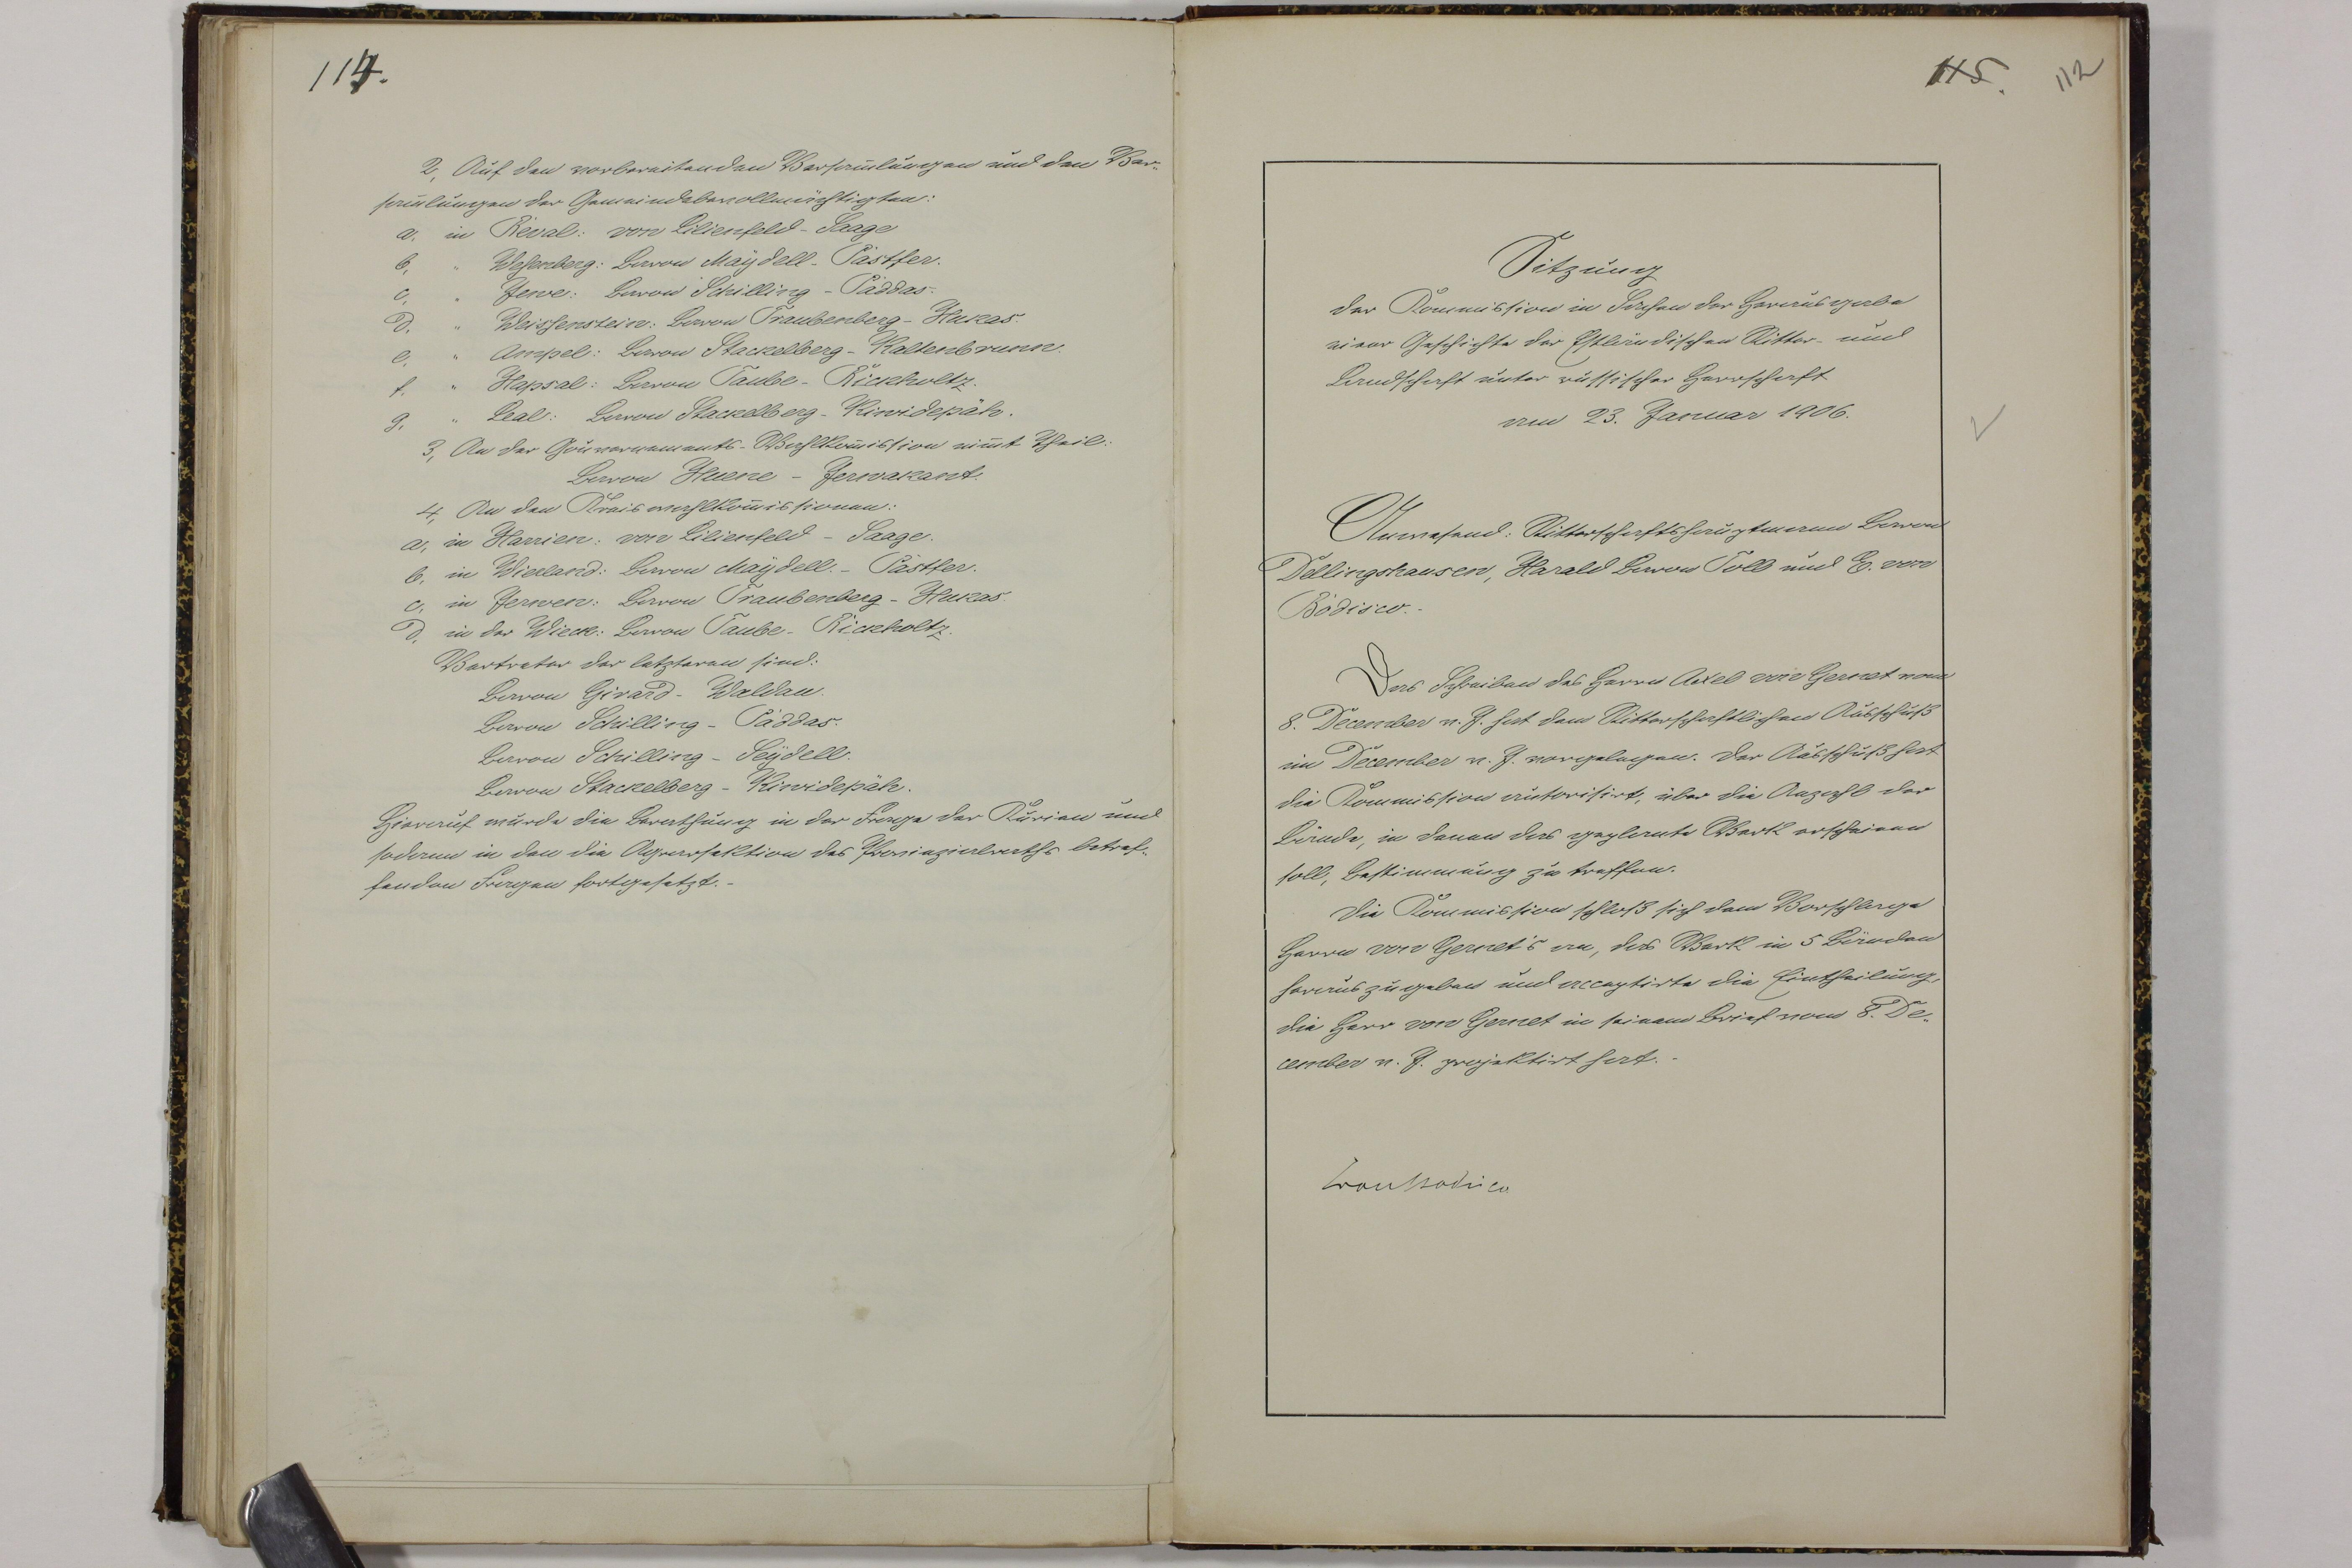2. Auf den vorbereitenden Versammlungen und den Ver-
sammlungen der Gemeindebevollmächtigten:
a. in Reval: von Lilienfeld-Saage
b.
Wesenberg: Baron Maydell-Pastfer.
c.
Jewe: Baron Schilling-Paddas.
d.
Weissenstein: Baron Traubenberg-Hukas.
e.
Ampel: Baron Stackelberg-Kaltenbrunn.
f.
Hapsal: Baron Taube-Rickholtz.
g.
Leal: Baron Stackelberg-Kiwidepäh.
3. An der Gouvernements-Wahlkommission nimmt Theil
Baron Huene-Jerwakant.
4. An den Kreiskommissionen:
a. in Harrien: von Lilienfeld-Saage.
b. in Wierland: Baron Maydell-Pastfer.
c. in Jerwen: Baron Traubenberg-Hukas.
d. in der Wieck: Baron Taube-Rickholtz.
Vertreter der letzteren sind:
Baron Girard-Waldau.
Baron Schilling-Paddas.
Baron Schilling-Seydell.
Baron Stackelberg-Kiwidepäh.
Hierauf wurde die Berathung in der Frage der Kurien und
sodann in den die Agrarsektion des Provinzialraths betref-
fenden Fragen fortgesetzt.
Sitzung
der Kommission in Sachen der Herausgabe
einer Geschichte der Estländischen Ritter- und
Landschaft unter russischer Herrschaft
am 23. Januar 1906.
Anwesend: Ritterschaftshauptmann Baron
Dellingshausen, Harald Baron Toll und E. von
Bodisco.
Das Schreiben des Herrn Axel von Gernet vom
8. December v.J. hat dem Ritterschaftlichen Ausschuß
im December v.J. vorgelegen. Der Ausschuß hat
die Kommission autorisirt, über die Anzahl der
Bände, in denen das geplante Werk erscheinen
soll, Bestimmung zu treffen.
Die Kommission schloß sich dem Vorschlage
Herrn von Gernetʼs an, das Werk in 5 Bänden
herauszugeben und acceptirte die Eintheilung,
die Herr von Gernet in seinem Brief vom 8. De-
cember v.J. projektirt hat.
EvonBodisco